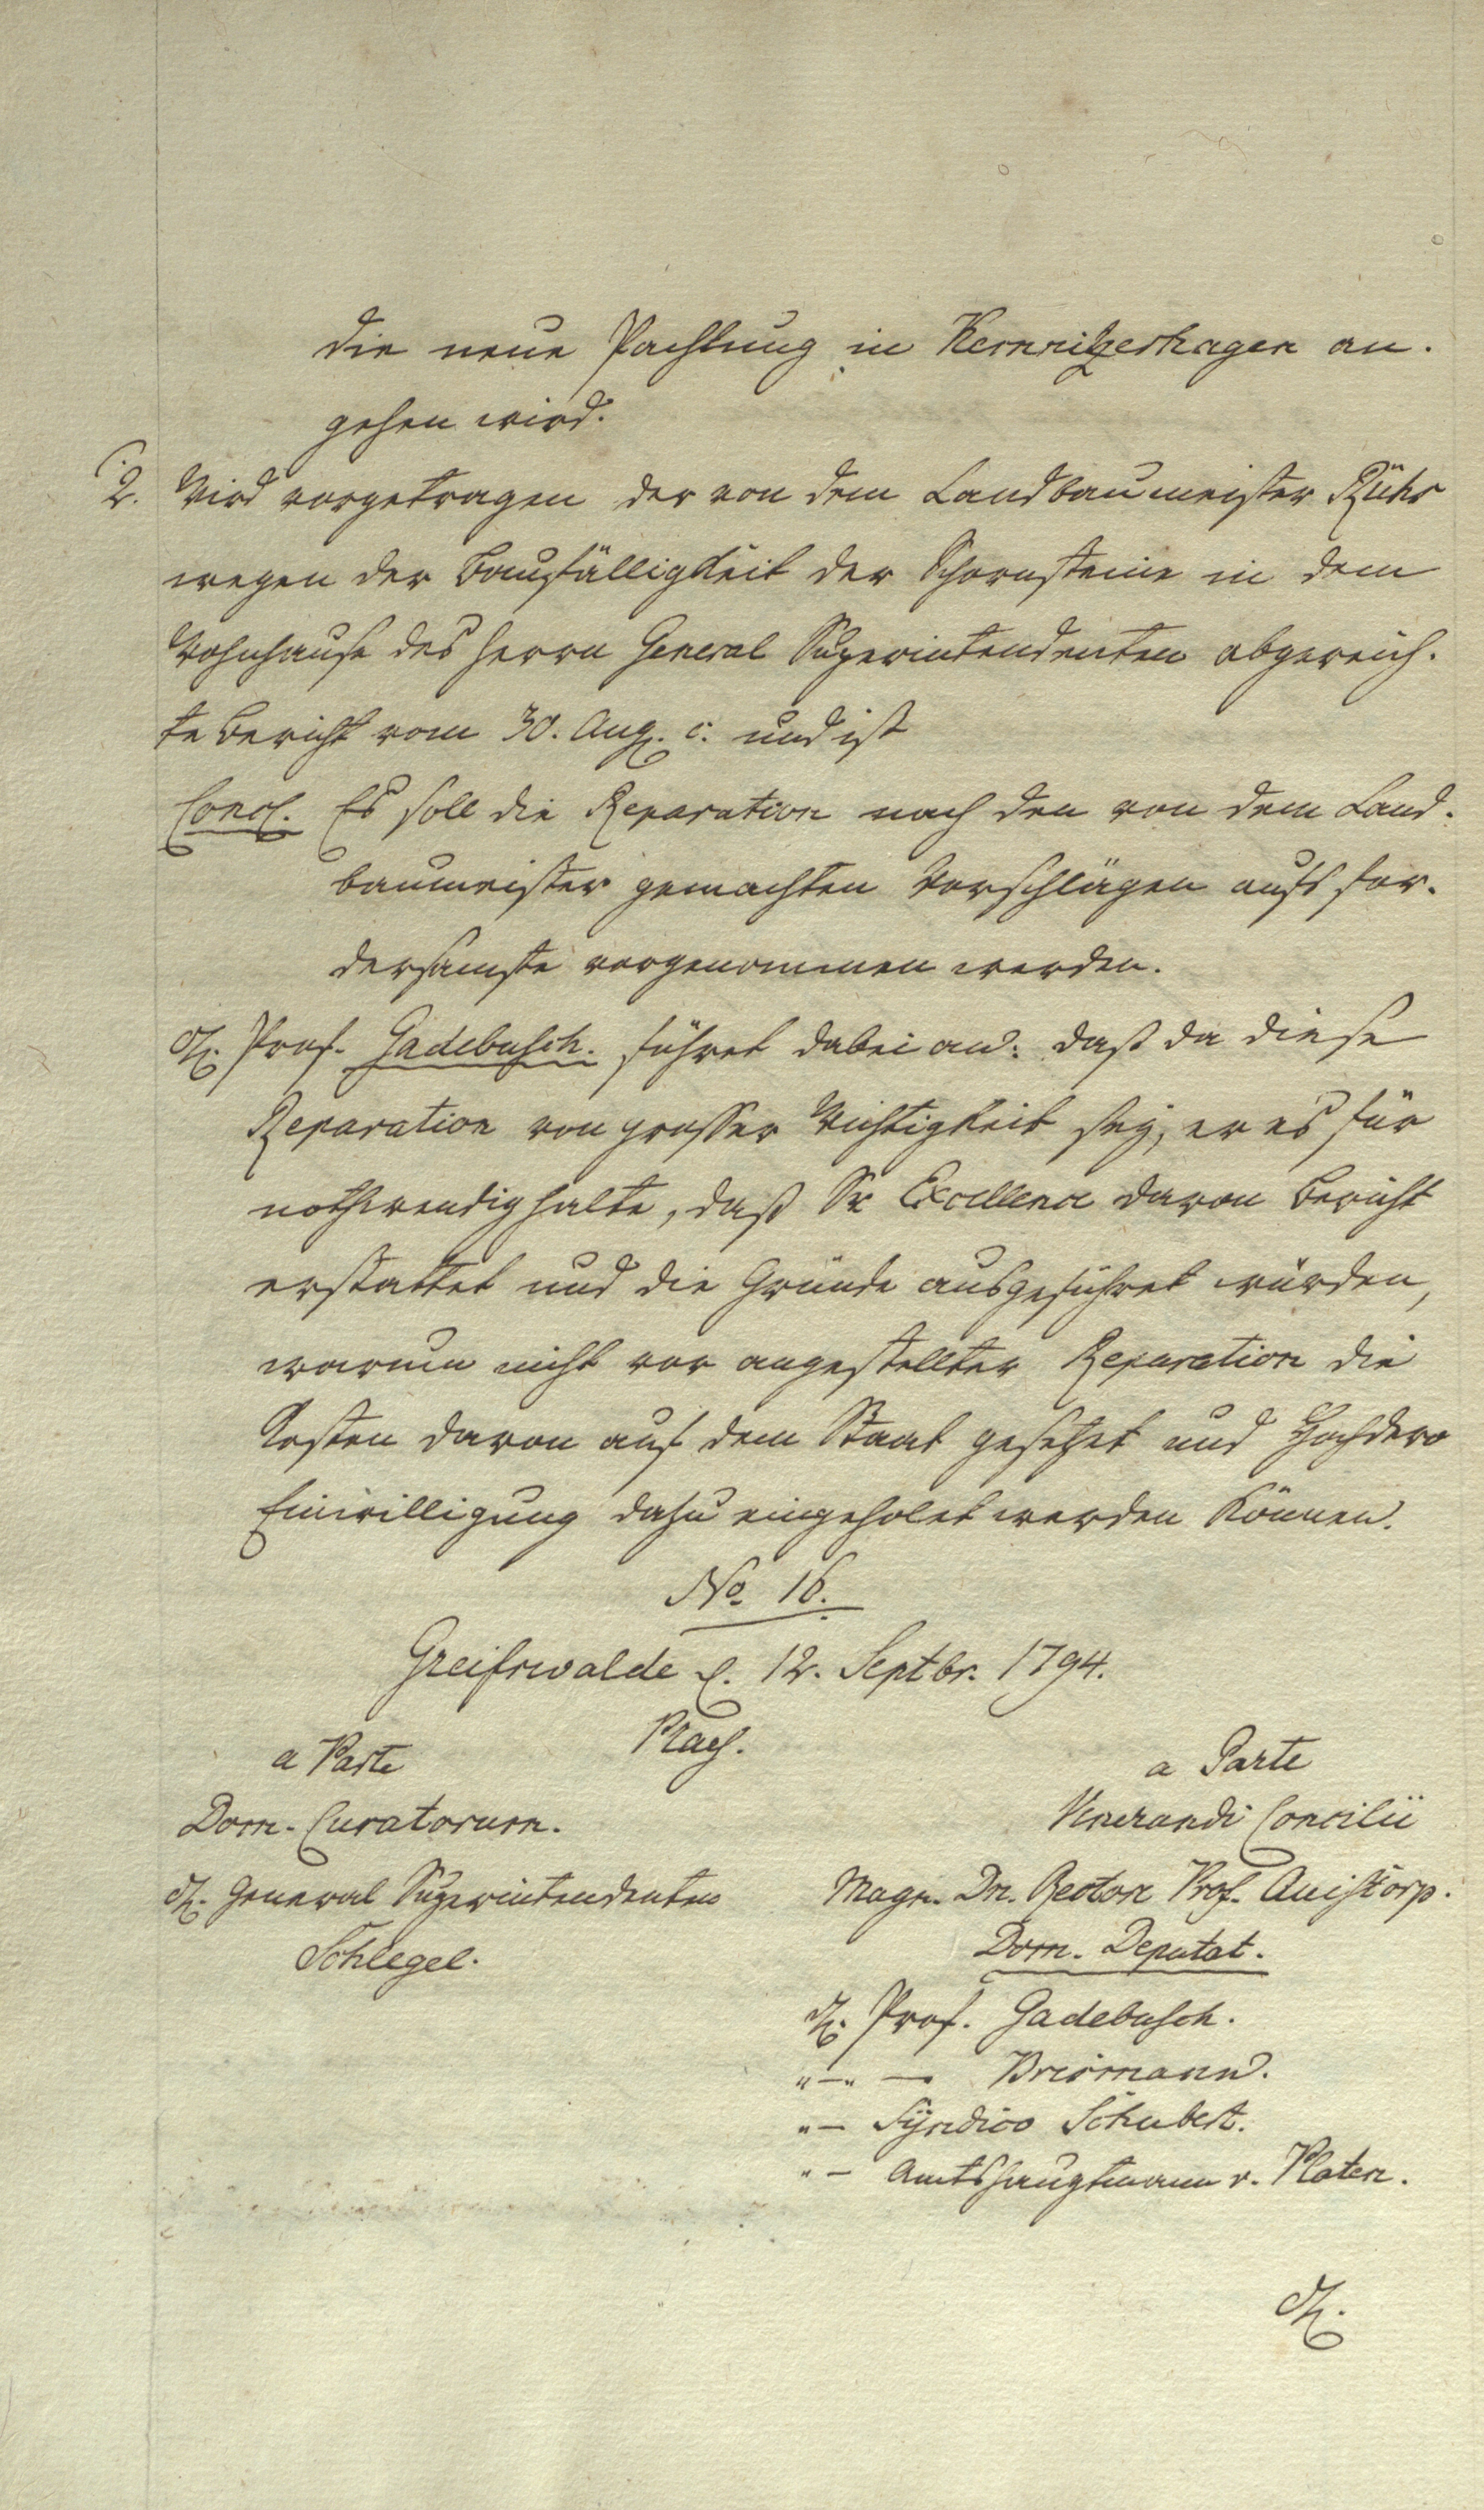die neue Pachtung in Kemnitzerhagen an¬
gehen wird.
2. Wird vorgetragen der von dem Landbaumeister Rühs
wegen der Baufälligkeit der Schornsteine in dem
Wohnhause des Herrn General Superintendenten abgereich¬
te Bericht vom 30. Aug. c. und ist
Concl. Es soll die Reparation nach den von dem Land¬
baumeister gemachten Vorschlägen aufs for¬
dersamste vorgenommen werden.
dh. Prof. Gadebusch. führet dabei an: daß da diese
Reparation von grosser Wichtigkeit seÿ, er es für
nothwendig halte, daß Sr Excellence davon Bericht
erstattet und die Gründe ausgeführet würden,
warum nicht vor angestellter Reparation die
Kosten davon auf dem Staat gesetzet und Hochdero
Einwilligung dazu eingeholet werden können.
No 16.
Greifswalde d. 12. Septbr. 1794.
Praes.
a Parte a Parte
Dom. Curatorum. Venerandi Concilii
dh. General Superintendenten Magn. Dn. Rector Prof. Quistorp.
Schlegel.
Dom. Deputat.
dh. Prof. Gadebusch.
Brismann.
Sÿndico Schubert.
Amtshauptmann v. Platen.
dh.